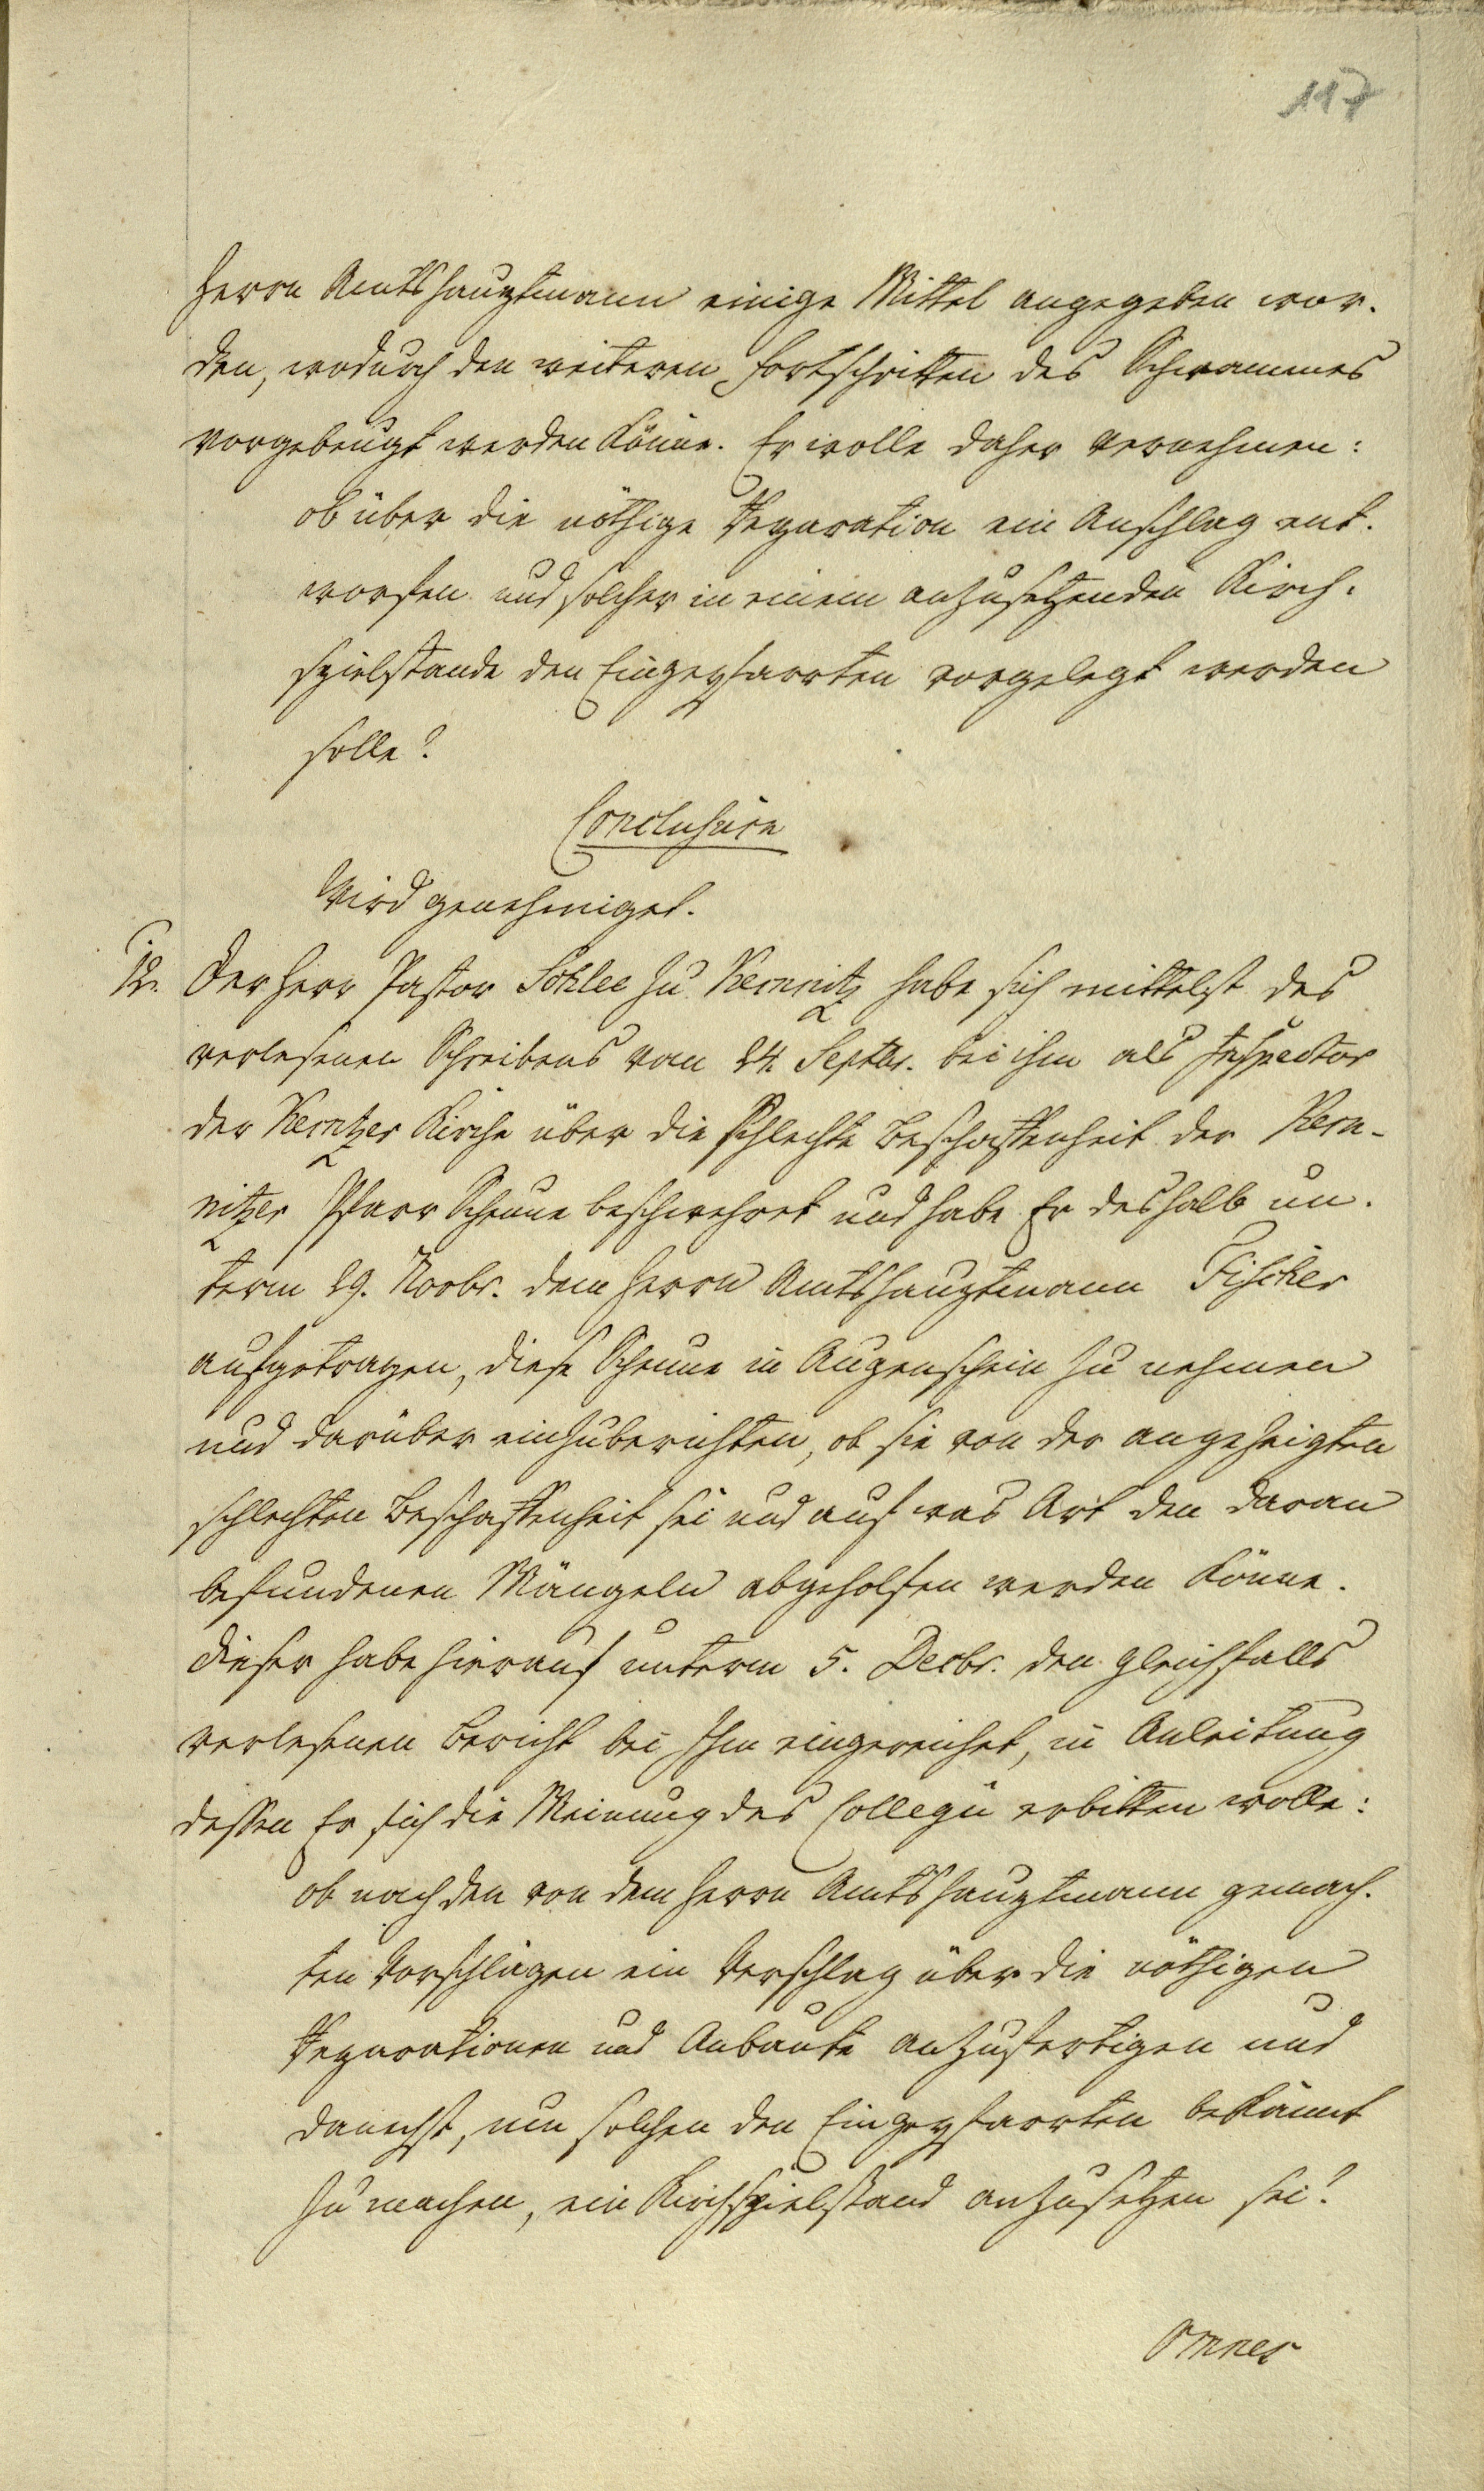Herrn Amtshauptmann einige Mittel angegeben wor¬
den, wodurch den weiteren Fortschritten des Schwammes
vorgebeugt werden könne. Er wolle daher vernehmen:
ob über die nöthige Reparation ein Anschlag ent¬
worfen und solcher in einem anzusetzenden Kirch¬
spielstande den Eingepfarrten vorgelegt werden
solle?
Conclusum
Wird genehmiget.
12. Der Herr Pastor Schlee zu Kemnitz habe sich mittelst des
verlesenen Schreibens vom 24. Septbr. bei ihm als Inspector
der Kemtzer Kirche über die schlechte Beschaffenheit der Kem¬
nitzer Pfarr Schule beschwehret und habe Er deshalb un¬
term 29. Novbr. dem Herrn Amtshauptmann Fischer
aufgetragen, diese Scheune in Augenschein zu nehmen
und darüber einzuberichten, ob sie von der angezeigten
schlechten Beschaffenheit sei und auf was Art den daran
befundenen Mängeln abgeholfen werden könne.
Dieser habe hierauf unterm 5. Decbr. den gleichfalls
verlesenen Bericht bei Ihm eingereichet, in Anleitung
dessen Er sich die Meinung des Collegii erbitten wolle:
ob nach den von dem Herrn Amtshauptmann gemach¬
ten Vorschlägen ein Verschlag über die nöthigen
Reparationen und Anbaute anzufertigen und
danechst, um solchen den Eingepfarrten bekannt
zu machen, ein Kirchspielstand anzusetzen sei?
Omnes